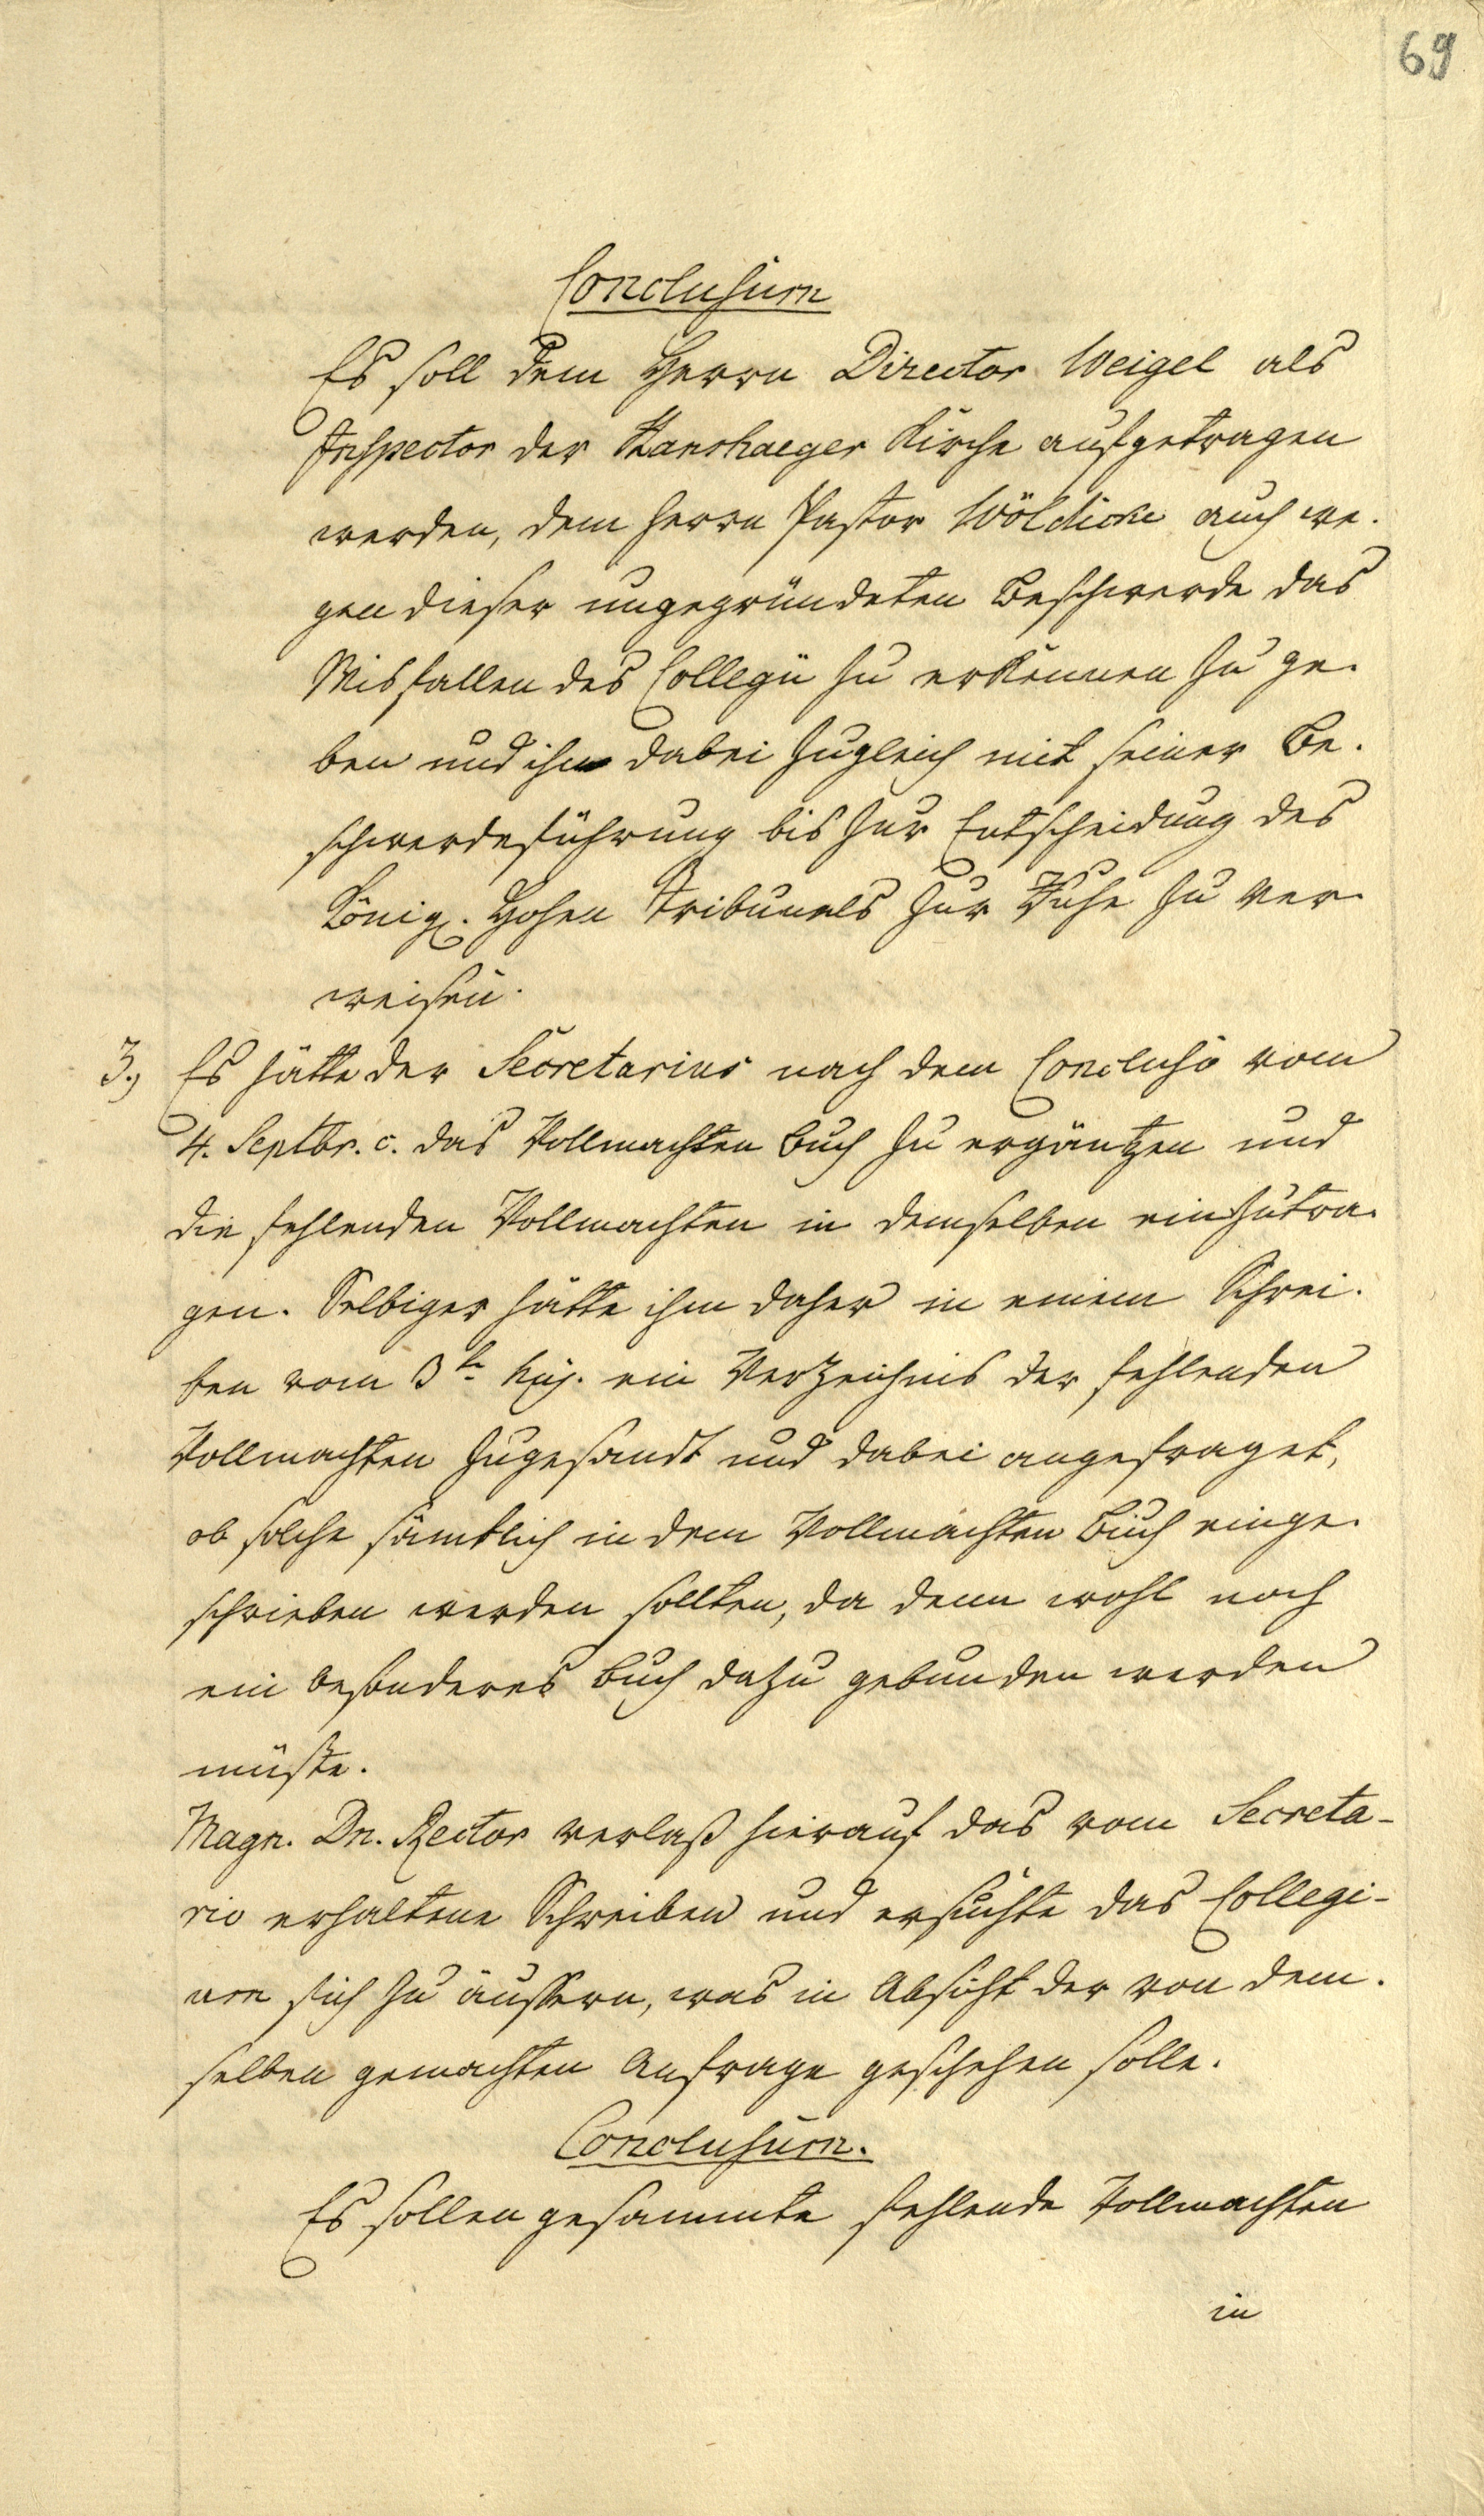Conclusum
Es soll dem Herrn Director Weigel als
Inspector der Hanshaeger Kirche aufgetragen
werden, dem Herrn Pastor Wöldicke auch we¬
gen dieser umgegründeten Beschwerde das
Misfallen des Collegii zu erkennen zu ge¬
ben und ihn dabei zugleich mit seiner Be¬
schwerdeführung bis zur Entscheidung des
Königl. Hohen Tribunals zur Ruhe zu ver¬
weisen.
3., Es hätte der Secretarius nach dem Concluso vom
4. Septbr. c. das Vollmachten Buch zu ergäntzen und
die fehlenden Vollmachten in demselben einzutra¬
gen. Selbiger hätte ihm daher in einem Schrei¬
ben vom 3 t huj. ein Verzeichnis der fehlenden
Vollmachten zugesandt und dabei angefraget,
ob solche sämtlich in dem Vollmachten Buch einge¬
schrieben werden sollten, da denn wohl noch
ein besonderes Buch dazu gebunden werden
müßte.
Magn. Dn. Rector verlaß hierauf das vom Secreta¬
rio erhaltene Schreiben und ersuchte das Collegi¬
um sich zu äussern, was in Absicht der von dem¬
selben gemachten Anfrage geschehen solle.
Conclusum
Es sollen gesammte fehlende Vollmachten
in